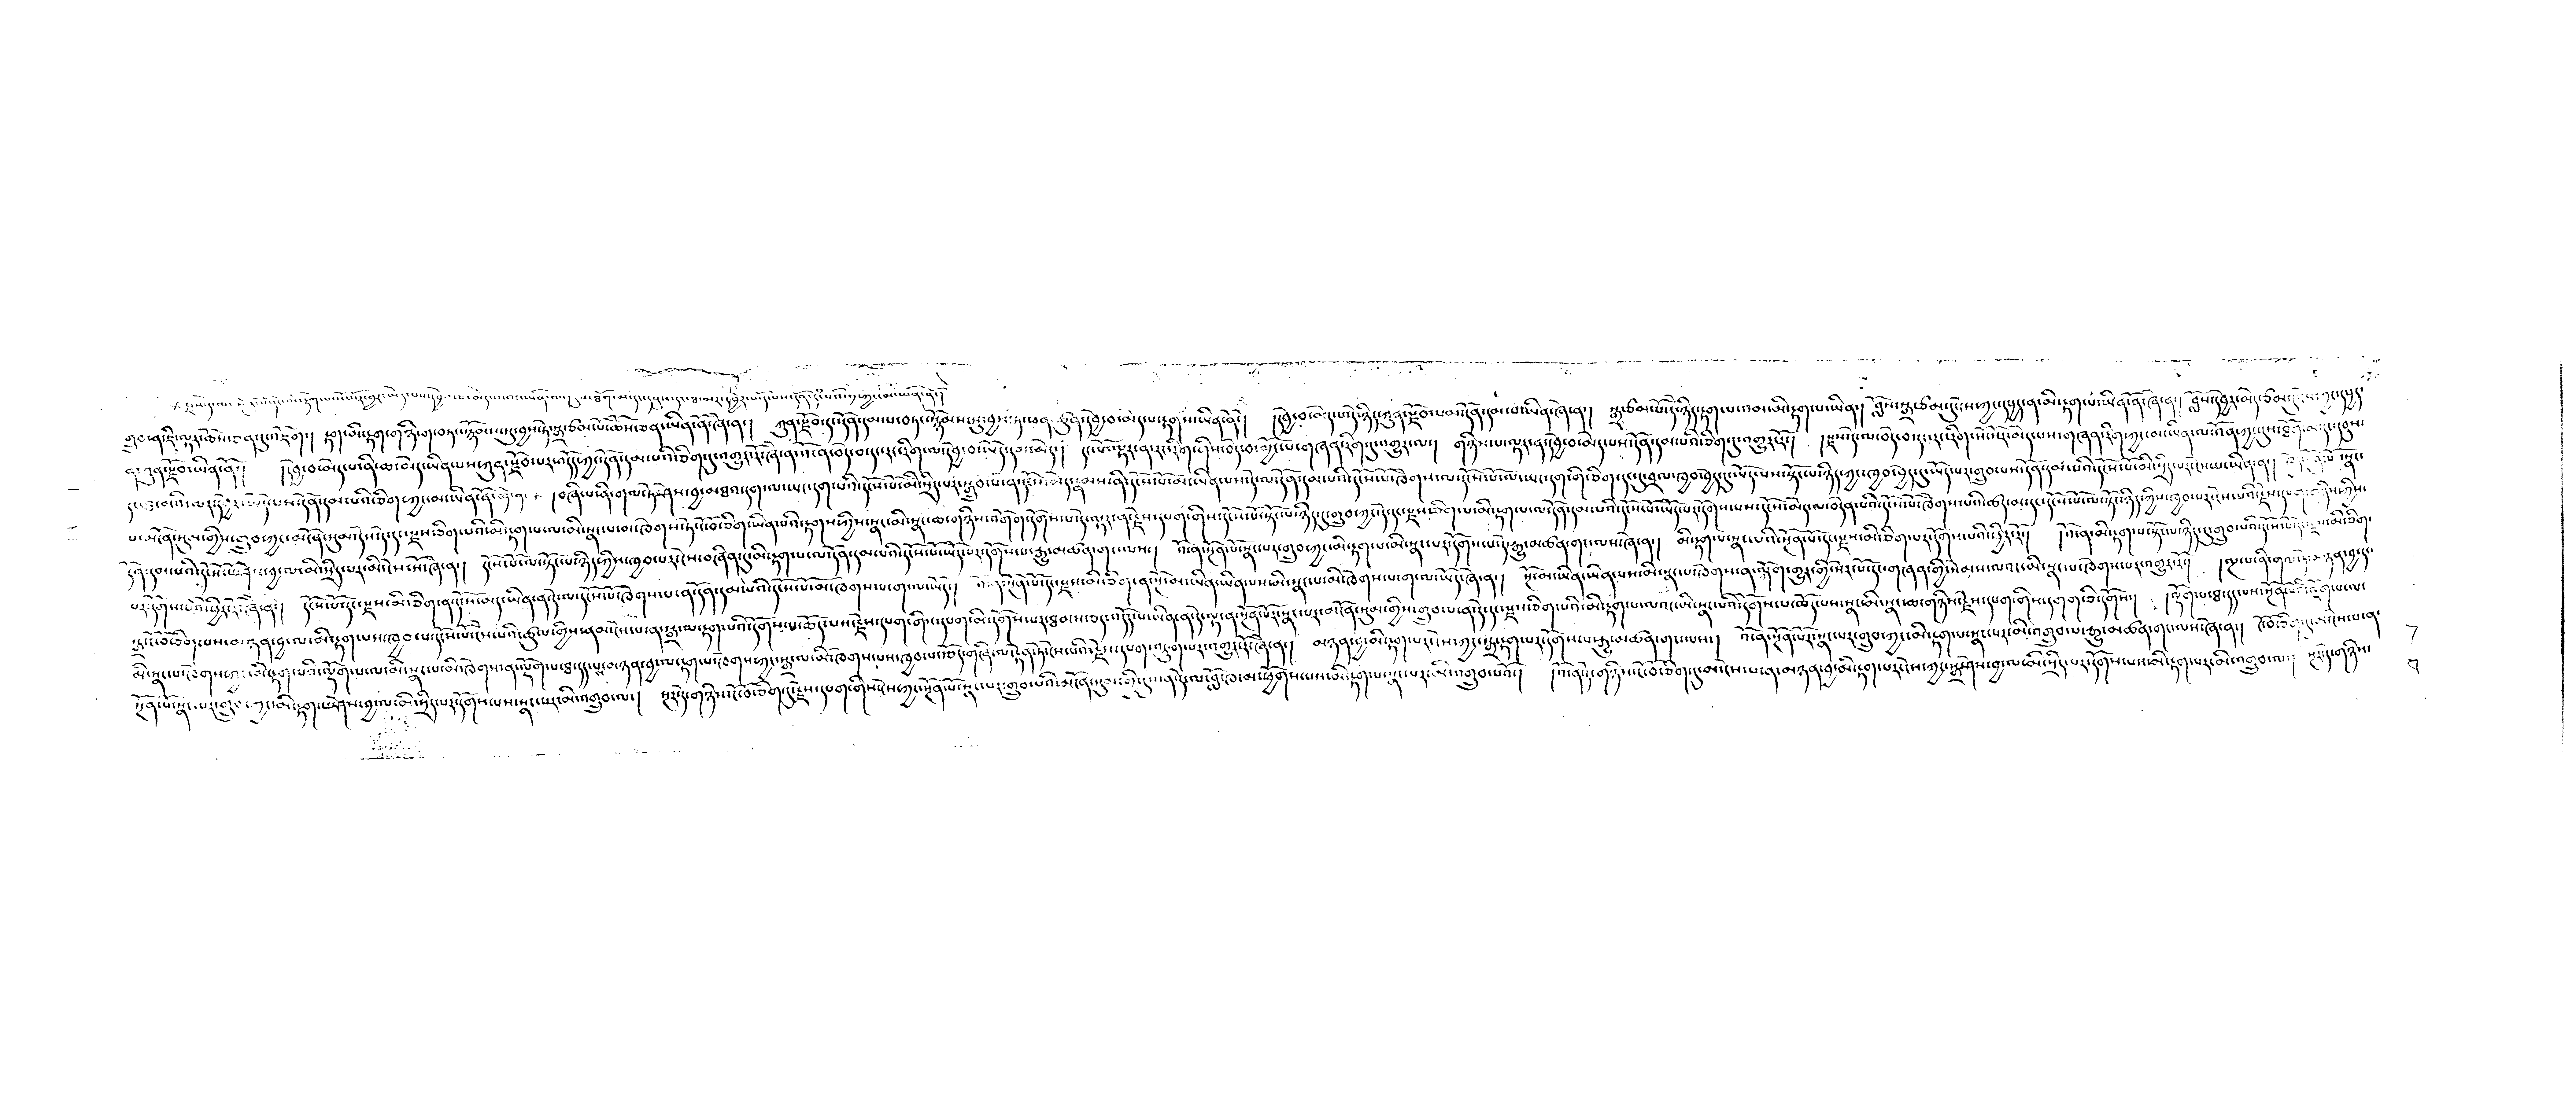གྲུབ་ན་ཇི་ལྟར་ཆོས་ཅན་དུ་འཇོག །རྟག་མི་རྟག་གཉི་ག་བཏང་སྙོམས་སུ་བྱས་ཏེ་སྒྲ་ཙམ་པོ་ཆོས་ཅན་ཡིན་ནོ་ཞེ་ན། ཀུན་རྫོབ་དང་དོན་དམ་པ་བཏང་སྙོམས་སུ་བྱས་ཏེ་ཕན་ཚུན་དབྱེ་བ་མེད་པ་རྟགས་ཡིན་ནོ། །དབྱེ་བ་མེད་པ་དེ་ཉིད་ཀུན་རྫོབ་སམ་དོན་དམ་པ་ཡིན་ཞེ་ན། སྒྲ་ཙམ་པོ་དེ་ཉིད་རྟག་པ་འམ་མི་རྟག་པ་ཡིན། བློས་སྒྲ་ཙམ་དུ་ངེས་ཀྱང་དཔྱད་ན་མི་རྟག་པ་ཡིན་ནོ་ཞེ་ན། བློས་དབྱེར་མེད་ཙམ་དུ་ངེས་ཀྱང་དཔྱད་
ན་ཀུན་རྫོབ་ཡིན་ནོ། །དབྱེ་བ་མེད་པ་ནི་ཆ་མེད་ཡིན་པས་ཀུན་རྫོབ་པར་འདོད་ཀྱང་དོན་དམ་པའི་ཅིག་དུ་འགྱུར་རོ་ཞེ་ན་འོ་ན་བདེ་བ་དང་རང་རིག་ལ་དབྱེ་བ་ཡོད་དམ་མེད། དང་པོ་ལྟར་ན་རང་རིག་གིས་བདེ་བ་མྱོང་པ་གཞན་རིག་དུ་འགྱུར་ལ། གཉིས་པ་ལྟར་ན་དབྱེ་བ་མེད་པས་དོན་དམ་པའི་ཅིག་དུ་འགྱུར་རོ། །རྫས་དེ་ལ་བདེ་བ་དང་རང་རིག་སོ་སོར་མེད་པས་གཞན་རིག་ཀྱང་མ་ཡིན་ལ། འོན་ཀྱང་དུས་ཐོག་མ་དང་དབུས་
དང་ཐ་མའི་ཆར་དབྱེར་ཡོད་པས་དོན་དམ་པའི་གཅིག་ཀྱང་མ་ཡིན་ནོ་ཞེ་ན་། རྫས་དེ་ལ་སྔོན་པོ་དང་མི་རྟག་པ་སོ་སོར་བྱར་མེད་པས་དབྱེ་བ་མེད་པའང་ཡིན་ལ། དུས་ཐོག་མ་དྣག་དབུས་དང་ཐ་མར་དབྱེར་ཡོད་པས་དོན་དམ་པའི་གཅིག་ཀྱང་མ་ཡིན་ནོ།  །བཞི་པ་ནི་གལ་ཏེ་ཤེས་བྱ་མཐའ་དག་ལ་ཡང་དག་པའི་དངོས་པོ་མི་སྲིད་པར་སྒྲུབ་པ་ན་དངོས་མེད་རྣམས་ནི་དངོས་པོ་མ་ཡིན་པས་དེ་ལ་དོན་དམ་པའི་དངོས་པོ་ཁེགས་ལ་དངོས་པོ་ལ་ཡང་དག་གི་ཅིག་དང་དུ་བྲལ་ཁྱབ་བྱེད་དུ་ཡོད་པས་སྟོང་པ་ཉིད་ཀྱང་ཁྱབ་བྱེད་དུ་ཡོད་པར་གྲུབ་པས་དོན་དམ་པའི་དངོས་པོ་མི་སྲིད་པར་ངེས་པ་ཡིན་ན། ཁྱེད་སྔོན་པོ་སྣང་
པ་མངོན་སུམ་གྱིས་གྲུབ་ཀྱང་མངོན་སུམ་དེས་དེ་དང་རྫས་ཅིག་པའི་མི་རྟག་པ་ལ་མི་སྣང་པ་མ་ཁེགས་ཏེ་ངོ་བོ་ཅིག་ཡིན་པའི་རྟགས་ཀྱིས་སྣང་མི་སྣང་ཆ་གཉིས་འགོག་དགོས་པ་དེ་ལྟར་ན་རྗེས་དཔག་གིས་དངོས་པོ་སྟོང་པ་ཉིད་དུ་གྲུབ་ཀྱང་དེ་དང་རྫས་ཅིག་པ་མི་རྟག་པ་ལ་དོན་དམ་པའི་དངོས་པོ་ཡོད་པར་དོགས་པས་དངོས་མེད་ལ་བདེན་པའི་དངོས་པོ་ཁེགས་པའི་ཚད་མ་དང་དངོས་པོ་ལ་སྟོང་ཉིད་ཀྱིས་ཁྱབ་པར་ངེས་པའི་རྗེས་དཔག་གཉིས་ཀྱིས་
དོན་དམ་པའི་དངོས་པོ་ཤེས་བྱ་ལ་མི་སྲིད་པར་མི་ངེས་སོ་ཞེ་ན། དངོས་པོ་ལ་སྟོང་པ་ཉིད་ཀྱིས་ཁྱབ་པར་ངེས་བཞིན་དུ་མི་རྟག་པ་ལ་དོན་དམ་པའི་དངོས་པོ་ཡོད་པར་དགོས་པ་རྒྱུ་མཚན་གང་ལས། འོ་ན་སྔོན་པོ་སྣང་པར་གྲུབ་ཀྱང་མི་རྟག་པ་མི་སྣང་པར་དོགས་པ་དེ་རྒྱུ་མཚན་གང་ལས་ཞེ་ན། མི་རྟག་པ་སྣང་པའི་སྔོན་པོ་དང་རྫས་མི་ཅིག་པར་དོགས་པའི་ཕྱིར་རོ། །འོ་ན་མི་རྟག་པ་སྟོང་པ་ཉིད་དུ་གྲུབ་པའི་དངོས་པོ་དེ་རྫས་མི་ཅིག་
པར་དགོས་པའི་ཕྱིར་རོ་ཞེ་ན། དངོས་པོ་དང་རྫས་མི་ཅིག་ན་དངོས་མེད་ཡིན་ན་དེ་ལ་དངོས་པོ་ཁེགས་པ་ན་དོན་དམ་པའི་དངོས་པོ་མ་ཁེགས་པ་ག་ལ་ཡོད། འོ་ན་སྔོན་པོ་དང་རྫས་མི་ཅིག་ན་སྔོ་མ་ཡིན་ཡིན་པས་མི་སྣང་པ་མི་ཁེགས་པ་ག་ལ་ཡོད་ཞེ་ན། སྔོ་མ་ཡིན་ཡིན་པས་མི་སྣང་པ་ཁེགས་ན་ལྐོག་གྱུར་གྱི་སེར་པོ་དང་གཞན་གྱི་སེམས་ལའང་མི་སྣང་པ་ཁེགས་པར་འགྱུར་རོ། །ལྔ་པ་ནི་གསལ་ཏེ་མཉན་བྱ་དང་
སྒྲ་ངོ་བོ་ཅིག་པས་མཉན་བྱ་ལ་མི་རྟག་པས་ཁྱབ་པ་དངོས་པོ་ངེས་པའི་ཚུལ་གྱིས་ནམ་ངེས་པ་ན་སྒྲ་མ་རྟག་པའི་དོགས་པ་ཆོད་པས་རྗེས་དཔག་གིས་དཔག་མི་དགོས་པར་ཐམས་ཅད་འདོད་པ་ཡིན་ན་དེ་ལྟ་ན་སྔོན་པོར་སྣང་པར་མངོན་སུམ་གྱིས་གྲུབ་པ་ན་དེ་དང་རྫས་ཅིག་པའི་མི་རྟག་པ་ལའང་མི་སྣང་པའི་དོགས་པ་ཆོད་པས་སྣང་མི་སྣང་ཆ་གཉིས་རྗེས་དཔག་གིས་དགག་ཅི་དགོས། །ལྡོག་པ་ཐ་དད་པས་སྔོན་པོའི་ལྡོག་པ་ལ་
མི་སྣང་པ་ཁེགས་ཀྱང་མི་རྟག་པའི་ལྡོག་པ་ལ་མི་སྣང་པ་མི་ཁེགས་ན་ལྡོག་པ་ཐ་དད་པས་མཉན་བྱ་ལ་རྟག་པ་ཁེགས་ཀྱང་སྒྲ་ལ་མི་ཁེགས་པས་ཁྱབ་པ་རྩོད་གཞི་ལ་རྟེན་ཏེ་ངེས་པའི་རྗེས་དཔག་འཇུག་པར་འགྱུར་རོ་ཞེ་ན། མཉན་བྱ་མི་རྟག་པར་ངེས་ཀྱང་སྒྲ་རྟག་པར་དགོས་པ་རྒྱུ་མཚན་གང་ལས། འོ་ན་སྔོན་པོར་སྣང་པར་གྲུབ་ཀྱང་མི་རྟག་པ་སྣང་པར་མི་འགྲུབ་པ་རྒྱུ་མཚན་གང་ལས་ཞེ་ན། ངོ་བོ་ཅིག་དུ་མ་ངེས་པ་ན་
སྔོན་པོ་སྣང་པར་གྲུབ་ཀྱང་མི་རྟག་པ་ཤེས་བྱ་ལ་མི་སྲིད་པར་དོགས་པས་སྣང་པར་མི་འགྲུབ་ལ། སྔར་དེ་གཉིས་ངོ་བོ་ཅིག་དུ་རྗེས་དཔག་གིས་ངེས་ཀྱང་སྔོན་པོ་སྣང་པར་གྲུབ་པའི་མངོན་སུམ་གྱི་དུས་ན་དེ་ལ་བློ་ཁ་མ་ཕྱོགས་པས་མི་རྟག་པ་སྣང་པར་མི་འགྲུབ་པའོ། །འོ་ན་དེ་གཉིས་ངོ་བོ་ཅིག་དུ་མ་ངེས་པ་ན་མཉན་བྱ་མི་རྟག་པར་ངེས་ཀྱང་སྒྲ་ཤེས་བྱ་ལ་མི་སྲིད་པར་དོགས་པས་མི་རྟག་པར་མི་འགྲུབ་ལ། སྔར་དེ་གཉིས་